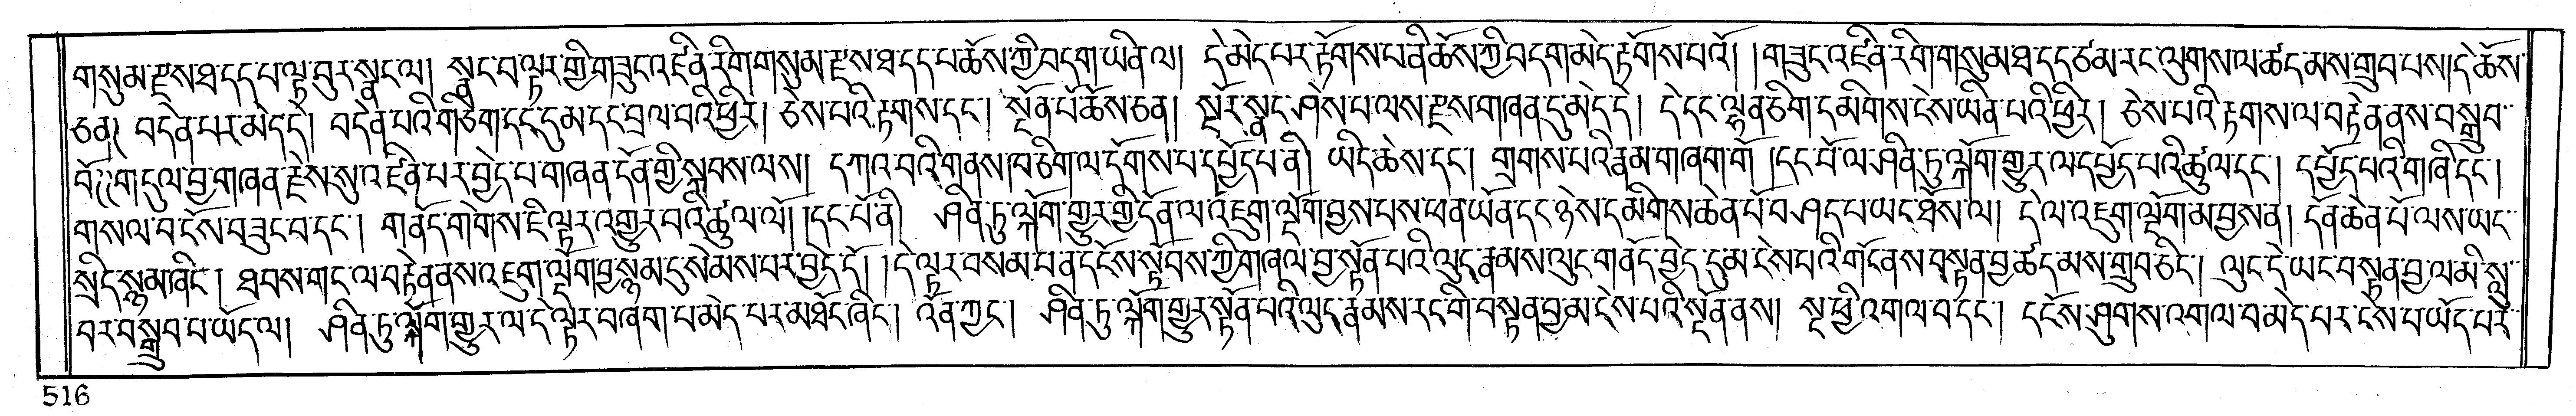གསུམ་རྫས་ཐ་དད་པ་ལྟ་བུར་སྣང་ལ། སྣང་བ་ལྟར་གྱི་གཟུང་འཛིན་རིག་གསུམ་རྫས་ཐ་དད་པ་ཆོས་ཀྱི་བདག་ཡིན་ལ། དེ་མེད་པར་རྟོགས་པ་ནི་ཆོས་ཀྱི་བདག་མེད་རྟོགས་པའོ། །གཟུང་འཛིན་རིག་གསུམ་ཐ་དད་ཙམ་རང་ལུགས་ལ་ཚད་མས་གྲུབ་པས། དེ་ཆོས་
ཅན༑ བདེན་པར་མེད་དེ། བདེན་པའི་གཅིག་དང་དུ་མ་དང་བྲལ་བའི་ཕྱིར། ཅེས་པའི་རྟགས་དང་། སྔོན་པོ་ཆོས་ཅན། སྔོར་སྣང་ཤེས་པ་ལས་རྫས་གཞན་དུ་མེད་དེ། དེ་དང་ལྷན་ཅིག་དམིགས་ངེས་ཡིན་པའི་ཕྱིར། ཅེས་པའི་རྟགས་ལ་བརྟེན་ནས་བསྒྲུབ་
བོ༑ ༑གདུལ་བྱ་གཞན་རྗེས་སུ་འཛིན་པར་བྱེད་པ་གཞན་དོན་གྱི་སྐབས་ལས། དཀའ་བའི་གནས་ཁ་ཅིག་ལ་དོགས་པ་དཔྱོད་པ་ནི། ཡིད་ཆེས་དང་། གྲགས་པའི་རྣམ་གཞག་གོ །དང་པོ་ལ་ཤིན་ཏུ་ལྐོག་གྱུར་ལ་དཔྱོད་པའི་ཚུལ་དང་། དཔྱོད་པའི་གཞི་དང་།
གསལ་བ་ངོས་བཟུང་བ་དང་། གནོད་གེགས་ཇི་ལྟར་འགྱུར་བའི་ཚུལ་ལོ། །དང་པོ་ནི། ཤིན་ཏུ་ལྐོག་གྱུར་གྱི་དོན་ལ་འཇུག་ལྡོག་བྱས་པས་ཕན་ཡོན་དང་ཉེས་དམིགས་ཆེན་པོ་བཤད་པ་ཡང་ཐོས་ལ། དེ་ལ་འཇུག་ལྡོག་མ་བྱས་ན། དོན་ཆེན་པོ་ལས་ཡང་
སྲིད་སྙམ་ཞིང་། ཐབས་གང་ལ་བརྟེན་ནས་འཇུག་ལྡོག་བྱ་སྙམ་དུ་སེམས་པར་བྱེད་དོ། །དེ་ལྟར་?་བསམ་པ་ན་དངོས་སྟོབས་ཀྱི་གཞལ་བྱ་སྟོན་པའི་ལུང་རྣམས་ལུང་གནོད་བྱེད་དུ་མ་ངེས་པའི་གོང་ནས་བསྟན་བྱ་ཚད་མས་གྲུབ་ཅིང་། ལུང་དེ་ཡང་བསྟན་བྱ་ལ་མི་སླུ་
བར་བསྒྲུབ་པ་ཡོད་ལ། ཤིན་ཏུ་ལྐོག་གྱུར་ལ་དེ་ལྟར་བཞག་པ་མེད་པར་མཐོང་ཞིང་། འོན་ཀྱང་། ཤིན་ཏུ་ལྐོག་གྱུར་སྟོན་པའི་ལུང་རྣམས་རང་གི་བསྟན་བྱ་མ་ངེས་པའི་སྔོན་ནས། སྔ་ཕྱི་འགལ་བ་དང་། དངོས་ཤུགས་འགལ་བ་མེད་པར་ངེས་པ་ཡོད་པར་